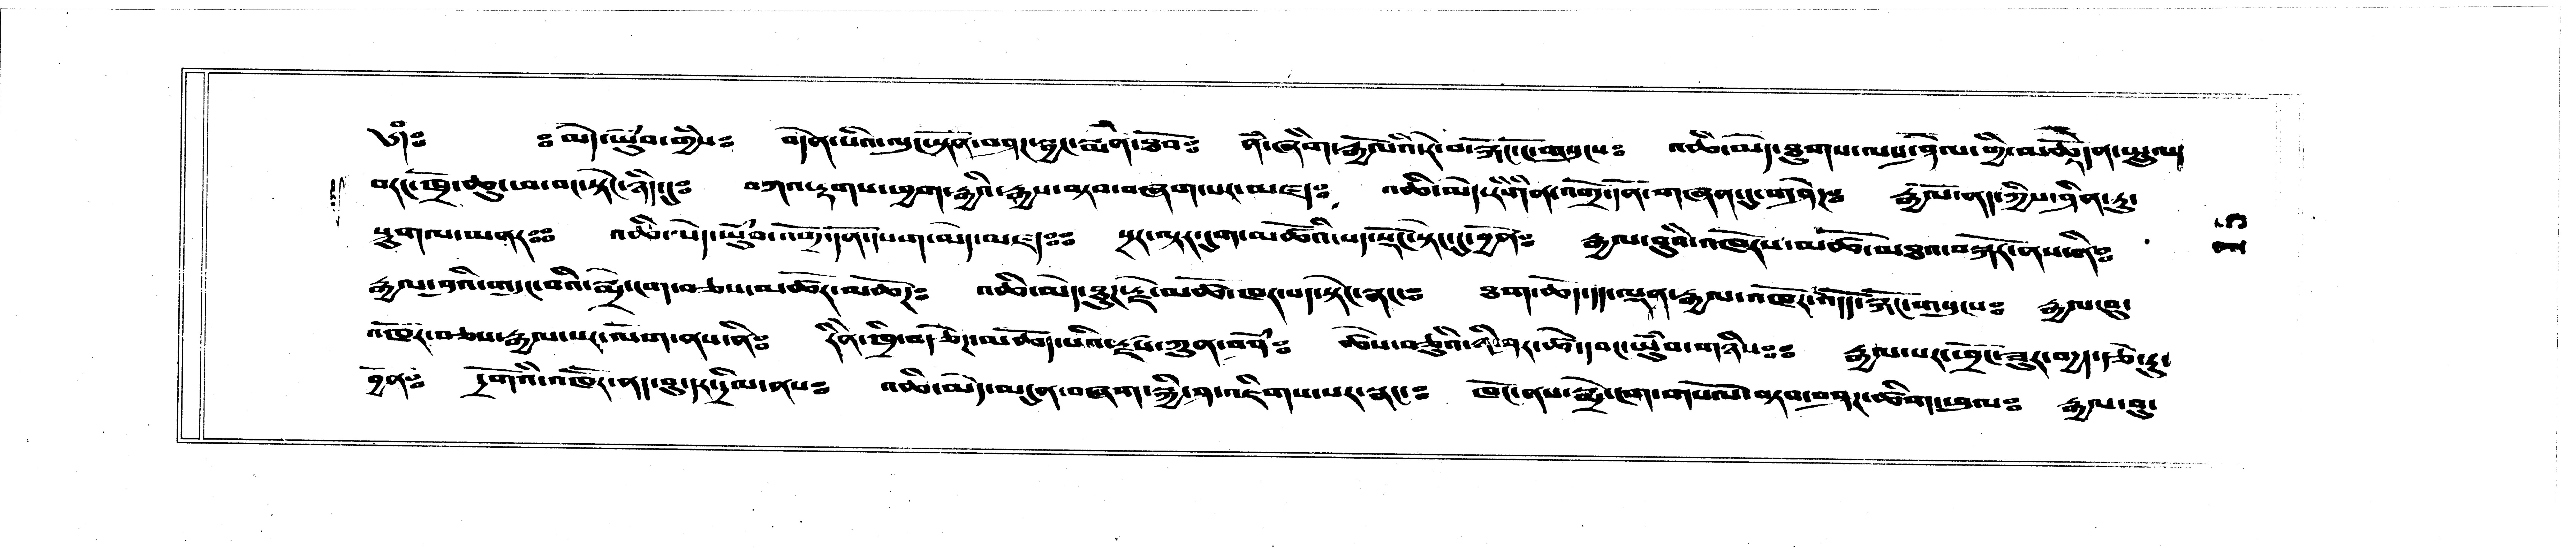མེད་ཡབ་ཡུམ་གྱིསཿ བདེན་པའི་ལུང་སྟོན་བཤད་བྱང་སྨོན་ལམ་ཐོབཿ ནམ་ཞིག་རྒྱལ་པོའི་རེ་བ་སྐོང་ངོ་གསུངསཿ འཆི་མེད་ཐུགས་ལས་ཤེལ་གྱི་མཆོད་རྟེན་སྤྲུལཿ 
བར་སྣང་ཁྲོ་ཆུ་ཕ་བོང་སྟེང་ཉིད་དུཿ བཀའ་རྟགས་ཕྱག་རྒྱའི་རྒྱས་བཏབ་བཞག་པར་མཛདཿ འཆི་མེད་རིག་འཛིན་འགྲོ་དོན་གཞན་དུ་གཤེགསཿ རྒྱལ་པོ་ནད་ཀྱིས་ཤིན་ཏུ་
སྡུག་བསྔལ་མནརཿ འཆི་མེད་ཡབ་ཡུམ་འགྲོ་དོན་དཔག་མེད་མཛདཿ སྔར་ལྟར་དུག་མཚོའི་པད་སྡོང་སྟེང་དུ་བྱོནཿ རྒྱལ་བུས་འཁོར་བཅས་མཚོ་མཐའ་བསྐོར་ནས་ནིཿ
 རྒྱལ་བུས་གདུང་བའི་སྨྲེ་ངག་བཅས་མཚོར་མཆོགཿ འཆི་མེད་ཐུགས་རྗེ་མཚོ་ཁར་པད་སྟེང་སྣངཿ ཐག་ཆོད་དད་ལྡན་རྒྱལ་འཁོར་འདོད་སྐོང་གསུངསཿ རྒྱལ་བུ་
འཁོར་བཅས་རྒྱལ་སར་ལོག་ནས་ནིཿ རིན་ཆེན་ཁྲི་བརྩེགས་མཆོད་པའི་རྫས་ཀུན་བཤམསཿ ཚེས་བཅུའི་ཉི་ཤར་ཚེ་དབང་ཡབ་ཡུམ་གཉིསཿ རྒྱལ་སར་ཕོ་བྲང་ཟུར་བརྒྱད་རྩེ་རུ་
བྱོནཿ དྲག་པོའི་འཁོར་ལོ་ནད་བུ་དར་དྲིལ་ནསཿ འཆི་མེད་མདུན་བཞག་སྐྱི་ཤ་འཇིགས་པར་སྣངཿ ཁོང་ནས་སྨྲེ་ངག་གསོལ་བཏབ་བཤགས་ཚིག་ཕུལཿ རྒྱལ་བུ་